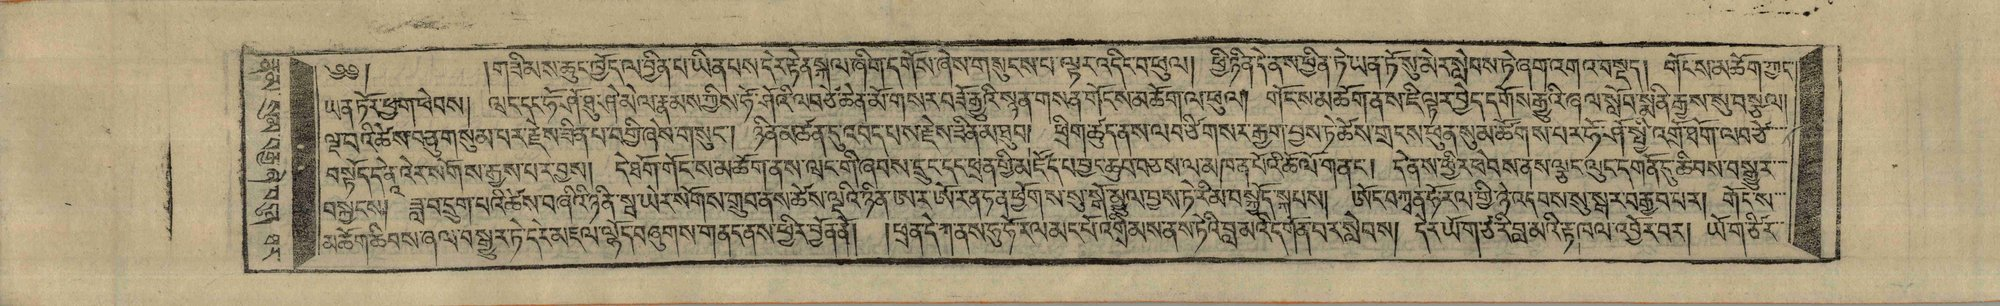༄༅། །གཟིམས་ཆུང་ཁྱོད་ལ་བྱིན་པ་ཡིན་པས་དེར་རྟེན་སྐལ་ཞིག་དགོས་ཞེས་གསུངས་པ་ལྟར་འདིང་བ་ཕུལ། ཕྱི་ཉིན་དེ་ནས་ཕྱིན་ཏེ་ཡན་ཏོ་སུ་མེར་སླེབས་ཏེ་ཞག་འགའ་བསྡད། གོང་ས་མཆོག་ཀྱང་
ཡན་ཏོར་ཕྱག་ཕེབས། ཝང་དང་ཧོ་ཤོ་ཐུ་ཤེ་མེལ་རྣམས་ཀྱིས་ཧོ་ཤོའི་ལབ་ཙེ་ཆེན་མོ་གསར་བཟོ་རྒྱུའི་སྙན་གསན་གོང་ས་མཆོག་ལ་ཕུལ། གོང་ས་མཆོག་ནས་ཇི་ལྟར་བྱེད་དགོས་རྒྱུའི་ཞལ་སློབ་སྨིན་རྒྱས་སུ་བསྩལ།
ལྔ་པའི་ཚེས་བཅུ་གསུམ་པར་རྗེས་ཟིན་པ་བགྱི་ཞེས་གསུང་། ཉིན་མཚན་དུ་འབད་པས་རྗེས་ཟིན་མ་ཐུབ། ཕྲིག་ཚུད་ནས་ལབ་ཙི་གསར་རྒྱག་བྱས་ཏེ་ཚེས་གྲངས་ཕུན་སུམ་ཚོགས་པར་ཧོ་ཤོ་སྤྱི་འགྲོ་ཐོག་ལབ་ཙེ་
བསྟོད་དེ་ནཱ་འེར་སོགས་རྒྱས་པར་བྱས། དེ་ཐོག་གོང་ས་མཆོག་ནས་ཝང་གི་ཞབས་དྲུང་དང་ཕྲན་གྱི་མཛོད་པ་བྱང་ཆུབ་བཅས་ལ་མཁན་པོའི་ཆོ་ལོ་གནང་། དེ་ནས་ཕྱིར་ཕེབས་ནས་ལྕང་ལུང་དགོན་དུ་ཆིབས་བསྒྱུར་
བསྐྱངས། ཟླ་བ་དྲུག་པའི་ཚེས་བཞིའི་ཉིན་སྦ་ཡེར་སོགས་གྲུབ་ནས་ཚེས་ལྔའི་ཉིན་ཨ་ར་ཨོ་རན་ཧན་ཕྱོགས་སུ་སྒོ་མྱུལ་བྱས་ཏེ་རིམ་བསྐྱོད་སྐབས། ཨོང་བཀྭན་ཧོ་རལ་གྱི་ཉེ་འདབས་སུ་སྒར་བརྒྱབ་པར། གོང་ས་
མཆོག་ཆིབས་ཞལ་བསྒྱུར་ཏེ་དེར་མཇལ་ལྷོད་བཞུགས་གནང་ནས་ཕྱིར་བྱོན་ནོ། །ཕྲན་དེ་ཀ་ནས་ཧུ་ཧོ་རལ་མང་པོ་འགྲིམས་ནས་ཏེའི་བླ་མའི་དགོན་པར་སླེབས། དེར་ཡོ་ག་ཙ་རི་བླ་མའི་རྟ་ཁལ་འབྱོར་བར། ཡོ་ག་ཙི་ར་